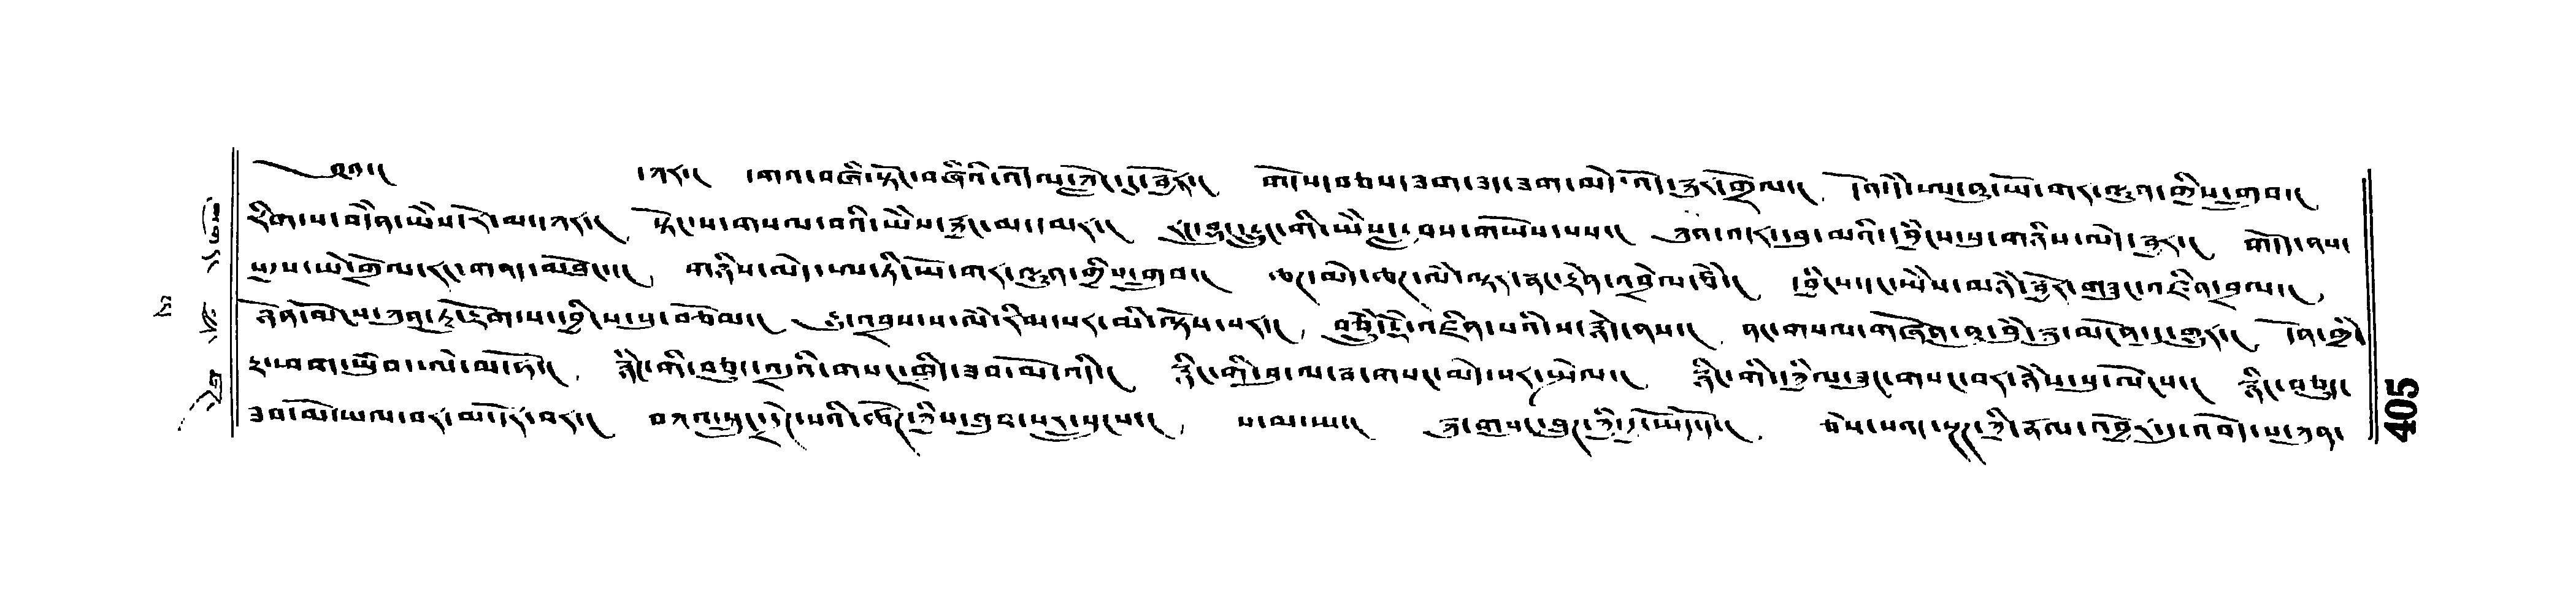དཀར། །དགའ་བཞི་སྟོང་བཞིའི་འོད་གསལ་ཀློང་དུ་སྦྱོར། །གདོས་བཅས་ཟག་ཟད་ཟག་མེད་འོད་སྐུར་གྲོལ། །དོན་དམ་ཨ་ནུ་ཡོ་གར་ལྷུན་གྱིས་གྲུབ། །
རིག་པ་བདེ་ཆེན་ཡེ་ཤེས་རོ་མ་དཀར། །སྟོང་པ་གསལ་བའི་ཡེ་ཤེས་རྐྱང་མ་དམར། །རང་བྱུང་རླུང་གི་ཡེ་ཤེས་རླབས་གཡོས་པས། །ཀུན་འདར་དབུ་མའི་དབྱིངས་སུ་གཉིས་མེད་སྦྱར། །གདོད་ནས་
སངས་རྒྱས་ཡེ་གྲོལ་རང་གནད་མཐོང་། །གཉིས་མེད་ཨ་ཏི་ཡོ་གར་ལྷུན་གྱིས་གྲུབ། །ཆགས་མེད་ཆགས་ལམ་ལྟར་སྣང་རྟེན་འབྲེལ་ཙམ། །དབྱིངས་དང་ཡེ་ཤེས་མཉམ་སྦྱོར་གཟུང་འཛིན་བྲལ། །
ཉོན་མོངས་ཀུན་ཏུ་རྟོག་པ་དབྱིངས་སུ་བཅོམ། །རྒྱུ་འབྲས་ས་ལམ་རིམ་པར་མི་ལྟོས་བར། །བཅུ་གསུམ་རྡོ་རྗེ་འཛིན་པའི་ས་རྙེད་ནས། །ནང་གསལ་གཞོན་ནུ་བུམ་སྐུ་མངོན་དུ་གྱུར། །དོན་གྱི་
རྟ་ཕག་ཡབ་ཡུམ་ཨེ་མ་ཧོ། །སྙིང་གི་བཅུད་འདྲའི་གསང་ཁྲིད་ཟབ་མོ་འདི། །སྙིང་གི་བུ་ལ་སྦ་གསང་མེད་པར་སྤེལ། །སྙིང་གི་དཀྱིལ་ཟུང་གསང་བར་ཉམས་སུ་ལོངས། །སྙིང་བཅུད་
ཟབ་མོ་ཡལ་བར་མ་དོར་བར། །བཀའ་སྲུང་དྲེགས་པའི་ཚོགས་ཀྱིས་ཐུབ་པར་སྲུངས།ས་མ་ཡ། སྐུ་གསུང་ཐུགས་ཀྱི་རྒྱ་ཡོད་དོ། ཅེས་པའང་སྔགས་ཀྱི་རྣལ་འབྱོར་དུ་འབོད་པ་ཀུན་